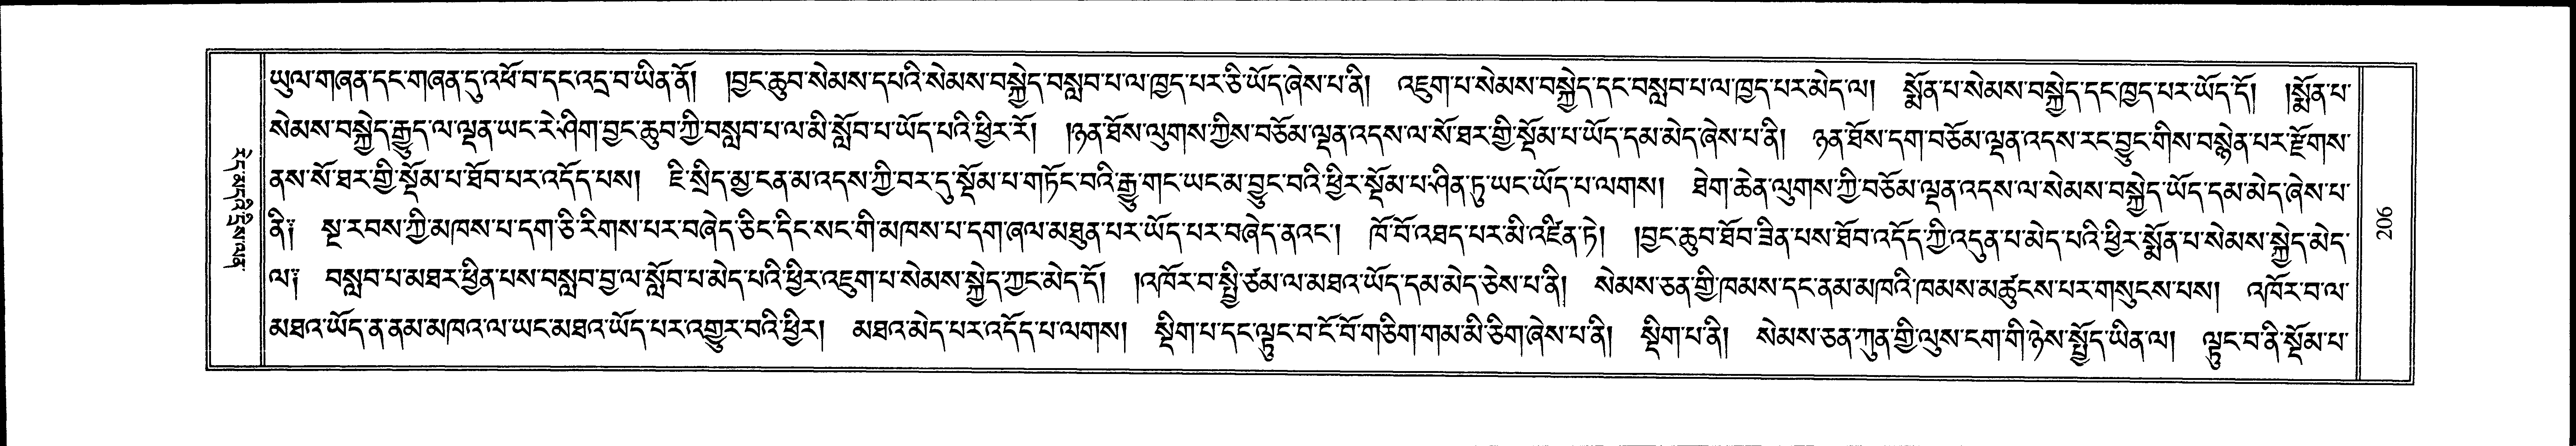ཡུལ་གཞན་དང་གཞན་དུ་འཕོ་བ་དང་འདྲ་བ་ཡིན་ནོ། །བྱང་ཆུབ་སེམས་དཔའི་སེམས་བསྐྱེད་བསླབ་པ་ལ་ཁྱད་པར་ཅི་ཡོད་ཞེས་པ་ནི། འཇུག་པ་སེམས་བསྐྱེད་དང་བསླབ་པ་ལ་ཁྱད་པར་མེད་ལ། སྨོན་པ་སེམས་བསྐྱེད་དང་ཁྱད་པར་ཡོད་དོ། །སྨོན་པ་
སེམས་བསྐྱེད་རྒྱུད་ལ་ལྡན་ཡང་རེ་ཤིག་བྱང་ཆུབ་ཀྱི་བསླབ་པ་ལ་མི་སློབ་པ་ཡོད་པའི་ཕྱིར་རོ། །ཉན་ཐོས་ལུགས་ཀྱིས་བཅོམ་ལྡན་འདས་ལ་སོ་ཐར་གྱི་སྡོམ་པ་ཡོད་དམ་མེད་ཞེས་པ་ནི། ཉན་ཐོས་དག་བཅོམ་ལྡན་འདས་རང་བྱུང་གིས་བསྙེན་པར་རྫོགས་
ནས་སོ་ཐར་གྱི་སྡོམ་པ་ཐོབ་པར་འདོད་པས། ཇི་སྲིད་མྱ་ངན་མ་འདས་ཀྱི་བར་དུ་སྡོམ་པ་གཏོང་བའི་རྒྱུ་གང་ཡང་མ་མ་བྱུང་བའི་ཕྱིར་སྡོམ་པ་ཤིན་ཏུ་ཡང་ཡོད་པ་ལགས། ཐེག་ཆེན་ལུགས་ཀྱི་བཅོམ་ལྡན་འདས་ལ་སེམས་བསྐྱེད་ཡོད་དམ་མེད་ཞེས་པ་
ནི། སྔ་རབས་ཀྱི་མཁས་པ་དག་ཅི་རིགས་པར་བཞེད་ཅིང་དིང་སང་གི་མཁས་པ་དག་ཞལ་མཐུན་པར་ཡོད་པར་བཞེད་ནའང་། ཁོ་བོ་འཐད་པར་མི་འཛིན་ཏེ། །བྱང་ཆུབ་ཐོབ་ཟིན་པས་ཐོབ་འདོད་ཀྱི་འདུན་པ་མེད་པའི་ཕྱིར་སྨོན་པ་སེམས་སྐྱེད་མེད་
ལ། བསླབ་པ་མཐར་ཕྱིན་པས་བསླབ་བྱ་ལ་སློབ་པ་མེད་པའི་ཕྱིར་འཇུག་པ་སེམས་སྐྱེད་ཀྱང་མེད་དོ། །འཁོར་བ་སྤྱི་ཙམ་ལ་མཐའ་ཡོད་དམ་མེད་ཅེས་པ་ནི། སེམས་ཅན་གྱི་ཁམས་དང་ནམ་མཁའི་ཁམས་མཚུངས་པར་གསུངས་པས། འཁོར་བ་ལ་
མཐའ་ཡོད་ན་ནམ་མཁའ་ལ་ཡང་མཐའ་ཡོད་པར་འགྱུར་བའི་ཕྱིར། མཐའ་མེད་པར་འདོད་པ་ལགས། སྡིག་པ་དང་ལྟུང་བ་ངོ་བོ་གཅིག་གམ་མི་ཅིག་ཞེས་པ་ནི། སྡིག་པ་ནི། སེམས་ཅན་ཀུན་གྱི་ལུས་ངག་གི་ཉེས་སྤྱོད་ཡིན་ལ། ལྟུང་བ་ནི་སྡོམ་པ་